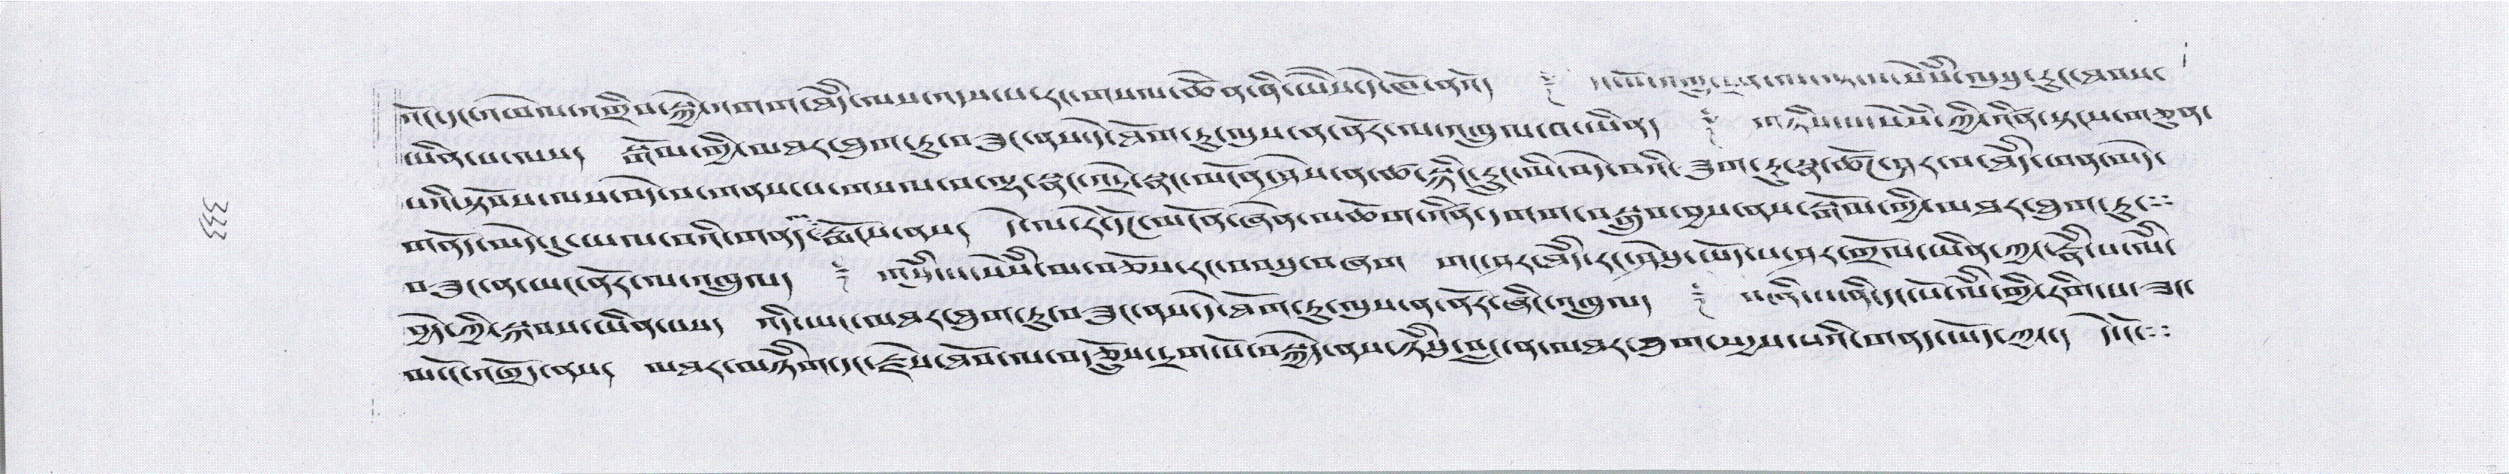འོང་དང་འཕེལ་འགྲིབ་སྐྱེ་འགག་ཐམས་ཅད་ལས་འདས་པ་རང་གསལ་ཆེན་པོ་ནི་ཡེ་ཤེས་དེ་ཁོ་ནའོ། ༑ དང་པོ་འགྱུ་དྲན་ལ་ལྟས་སེམས་ལུས་སུ་རུང་ཐབས་
ཡིན་པ་ལས། སྒོམ་གྱི་མཐར་ཐུག་ཏུ་བཟུང་ནས་དེ་ཐོག་ཏུ་ལུས་ན་ནོར་ལ་འཁྲུལ་བ་ཡིན། ༑ གཉིས་པ་སེམས་ཀྱི་འཛིན་སྟངས་གཅུན་
པའི་སྟོབས་ལས་བདེ་བ་གནས་པ་གསལ་བ་ལྷ་སྣང་འདྲེ་སྣང་མངོན་ཤེས་ན་ཚ་སྙིང་རླུང་མི་བདེ་བའི་ཟུང་རྔུ་སྣ་ཚོགས་ཤར་བ་ཐམས་ཅད་ཕན་མེད་
གནོད་མེད་དུ་ཡལ་བའི་གནད་ལ་རྨོངས་ནས། དེ་ལ་རེ་དོགས་མངོན་ཞེན་མཆོག་འཛིན་དགག་བསྒྲུབ་བྱས་ནས་སྒོམ་གྱི་མཐར་ཐུག་ཏུ་
བཟུང་ན་ཡང་ནོར་ལ་འཁྲུལ། ༑ གསུམ་པ་སེམས་མ་བཅོས་རང་བབས་སུ་བཞག གང་ཤར་ཐམས་ཅད་རང་ཤེས་སུ་ཡོད་པ་ཤར་གྲོལ་ཡིན་ཀྱང་རྣམ་པ་ལམ་
བྱེད་ཀྱི་སྐབས་ཡིན་པས། འདི་ཡང་མཐར་ཐུག་ཏུ་བཟུང་ནས་དེ་ཐོག་ཏུ་ལུས་ན་ནོར་ཞིང་འཁྲུལ། ༑ བཞི་པ་ནི་དང་པོ་ལམ་གྱི་རིག་པ་ཟང་
ལ་ངོ་འཕྲོད་ནས། མཐར་མཉམ་བཞག་དང་རྗེས་ཐོབ་ལ་བརྩོན་གྲུས་དྲག་པོ་བསྐྱེད་ནས་ཉམས་སུ་བླང་ན་མཐར་ཐུག་སངས་རྒྱས་པའི་གནད་ཡོད་ཀྱང། དེ་ངོ་